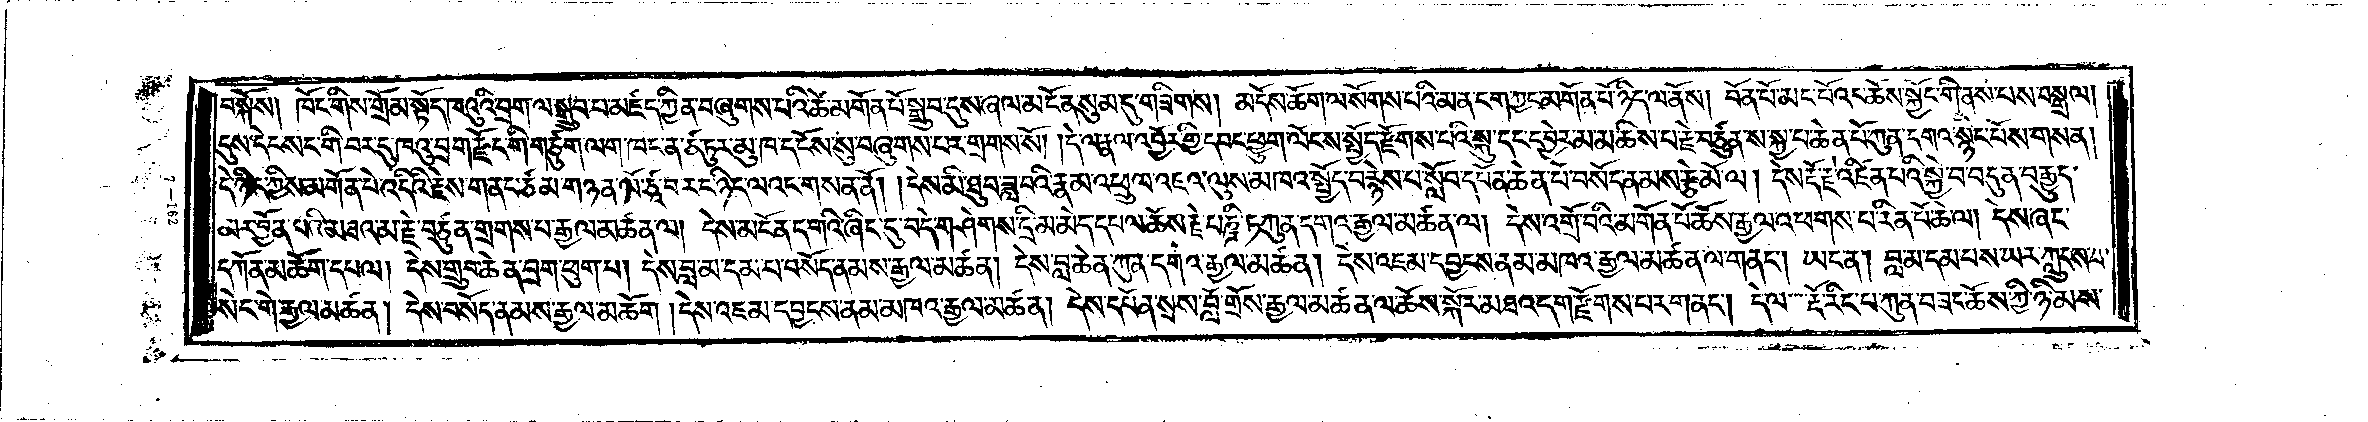བསྐོས། ཁོང་གིས་གྲོམ་སྟོད་ཁ་བུའི་བྲག་ལ་སྒྲུབ་པ་མཛད་ཀྱིན་བཞུགས་པའི་ཚེ་མགོན་པོ་སྒྲུབ་དུས་ཞལ་མངོན་སུམ་དུ་གཟིགས། མདོས་ཆོག་ལ་སོགས་པའི་མན་ངག་ཀྱང་མགོན་པོ་ཉིད་ལ་ནོས། བོན་པོ་མང་པོའི་ཆོས་ཀྱི་སྐྱོང་གི་ནུས་པས་བསྒྲལ།
དུས་དེང་སང་གི་བར་དུ་ཁའུ་བྲག་རྫོང་གི་གཙུག་ལག་ཁང་ན་ཙ་ཏུར་མུ་ཁ་དངོས་སུ་བཞུགས་པར་གྲགས་སོ། །དེ་ལ་རྣལ་འབྱོར་གྱི་དབང་ཕྱུག་ལོངས་སྤྱོད་རྫོགས་པའི་སྐུ་དང་དབྱེར་མ་མཆིས་པ་རྗེ་བཙུན་ས་སྐྱ་པ་ཆེན་པོ་ཀུན་དགའ་སྙིང་པོས་གསན།
དེ་ཉིད་ཀྱིས་མགོན་པོ་འདིའི་རྗེས་གནང་ཙམ་གཉན་ལོ་ཙཱ་བ་རང་ཉིད་ལའང་གསན་ནོ། །དེས་མི་ཐུབ་ཟླ་བའི་རྣམ་འཕྲུལ་འཇའ་ལུས་མཁའ་སྤྱོད་བརྙེས་པ་སློབ་དཔོན་ཆེན་པོ་བསོད་ནམས་རྩེ་མོ་ལ། དེས་རྡོ་རྗེ་འཛིན་པའི་སྐྱེད་བདུན་བརྒྱུད་
མར་བྱོན་པའི་མཐའ་མ་རྗེ་བཙུན་གྲགས་པ་རྒྱལ་མཚན་ལ། དེས་མངོན་དགའི་ཞིང་དུ་བདེ་གཤེགས་དྲི་མ་མེད་དཔལ་ཆོས་རྗེ་པཎྜི་ཏ་ཀུན་དགའ་རྒྱལ་མཚན་ལ། དེས་འགྲོ་བའི་མགོན་པོ་ཆོས་རྒྱལ་འཕགས་པ་རིན་པོ་ཆེ་ལ། དེས་ཞང་
དཀོན་མཆོག་དཔལ། དེས་གྲུབ་ཆེན་བྲག་ཕུག་པ། དེས་བླ་མ་དམ་པ་བསོད་ནམས་རྒྱལ་མཚན། དེས་བླ་ཆེན་ཀུན་དགའ་རྒྱལ་མཚན། དེས་འཇམ་དབྱངས་ནམ་མཁའ་རྒྱལ་མཚན་ལ་གནང་། ཡང་ན། བླ་མ་དམ་པས་མར་ཀླུངས་པ་
སེང་གེ་རྒྱལ་མཚན། དེས་བསོད་ནམས་རྒྱལ་མཆོག །དེས་འཇམ་དབྱངས་ནམ་མཁའ་རྒྱལ་མཚན། དེས་དཔོན་སྲས་བློ་གྲོས་རྒྱལ་མཚན་ལ་ཆོས་སྐོར་མཐའ་དག་རྫོགས་བར་གནང་། དེ་ལ་རྡོ་རིང་བ་ཀུན་བཟང་ཆོས་ཀྱི་ཉི་མས་